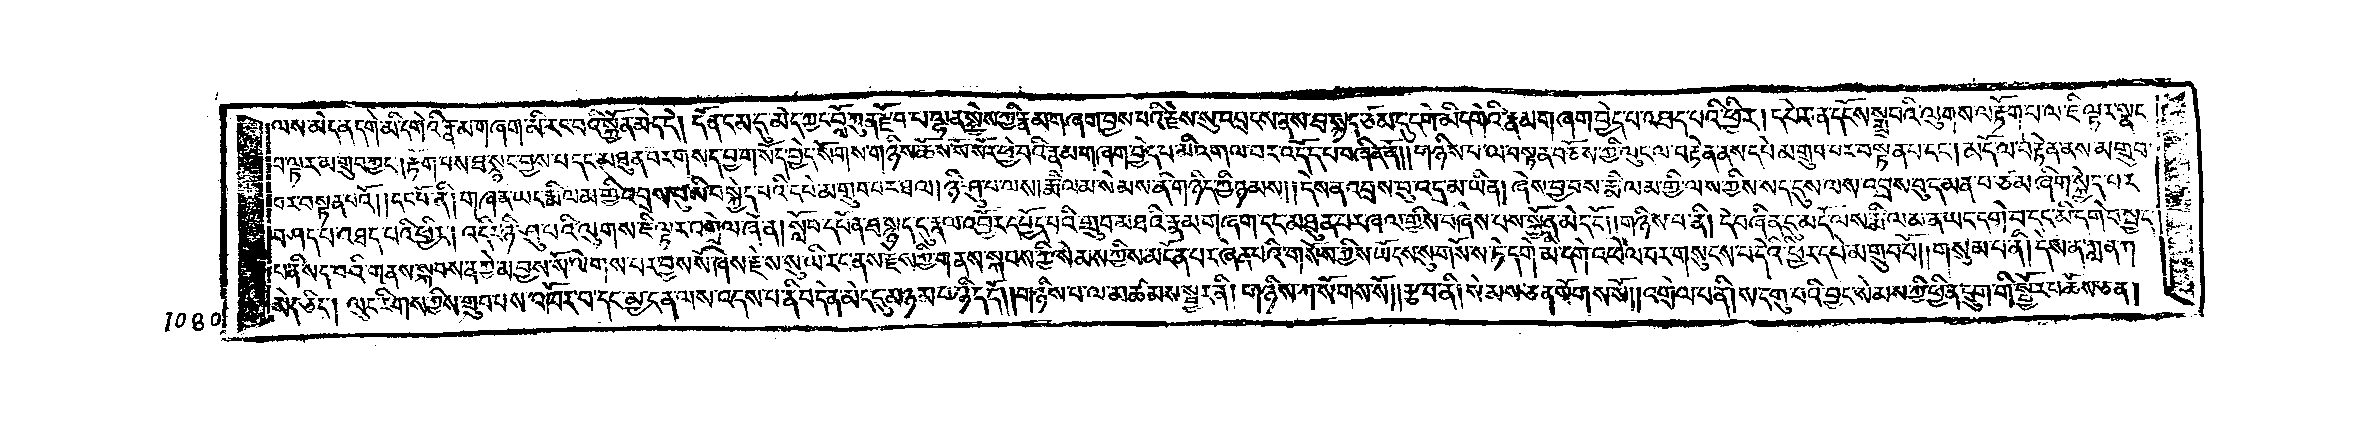ལས་མེད་ན་དགེ་མི་དགེའི་རྣམ་གཞག་མི་རང་བའི་སྐྱོན་མེད་དེ། དོན་དམ་དུ་མེད་ཀྱང་བློ་ཀུན་རྫོབ་པ་ལྷན་སྐྱེས་ཀྱི་རྣམ་གཞག་བྱས་པའི་རྗེས་སུ་འབྲངས་ནས་ཐ་སྙད་ཙམ་དུ་དགེ་མི་དགེའི་རྣམ་གཞག་བྱེད་པ་འཐད་པའི་ཕྱིར། དཔེར་ན་དངོས་སྨྲ་བའི་ལུགས་ལ་རྟོག་པ་ལ་ཇི་ལྟར་སྣང་
བ་ལྟར་མ་གྲུབ་ཀྱང་། རྟོག་པས་ཐ་སྙད་བྱས་པ་དང་མཐུན་པར་གསད་བྱ་གསོད་བྱེད་སོགས་གཉིས་ཆོས་སོ་སོར་ཕྱེ་བའི་རྣམ་གཞག་བྱེད་པ་མི་འགལ་བར་འདོད་པ་བཞིན་ནོ། །གཉིས་པ་ལ་བསྟན་བཅོས་ཀྱི་ལུང་ལ་བརྟེན་ནས་དཔེ་མ་གྲུབ་པར་བསྟན་པ་དང་། མདོ་ལ་བརྟེན་ནས་མ་གྲུབ་
བར་བསྟན་པའོ། །དང་པོ་ནི། གཞན་ཡང་རྨི་ལམ་གྱི་འབྲས་བུ་མི་བསྐྱེད་པའི་དཔེ་མ་གྲུབ་པར་ཐལ། ཉི་ཤུ་པ་ལས། རྨི་ལམ་སེམས་ནི་གཉིད་ཀྱི་ཉམས། །དེས་ན་འབྲས་བུ་འདྲ་མ་ཡིན། ཞེས་བྱ་བས་རྨི་ལམ་གྱི་ལས་ཀྱིས་སད་དུས་ལས་འབྲས་བུ་དམན་པ་ཙམ་ཞིག་སྐྱེད་པར་
བཤད་པ་འཐད་པའི་ཕྱིར། འདིར་ཉི་ཤུ་པའི་ལུགས་ཇི་ལྟར་འགྲེལ་ཞེ་ན། སློབ་དཔོན་ཐ་སྙད་དུ་རྣལ་འབྱོར་དཔྱོད་པའི་གྲུབ་མཐའི་རྣམ་གཞག་དང་མཐུན་པར་ཞལ་གྱིས་བཞེས་པས་སྐྱོན་མེད་དོ། །གཉིས་པ་ནི། དེ་བཞིན་དུ་མདོ་ལས་རྨི་ལམ་ན་ཡང་དགེ་བ་དང་མི་དགེ་བ་སྤྱད་
པ་ནི་སད་པའི་གནས་སྐབས་ན་ཀྱེ་མ་བྱས་སོ་ལེགས་པར་བྱས་སོ་ཞེས་རྗེས་སུ་ཡི་རང་ནས་རྗེས་ཀྱི་གནས་སྐབས་ཀྱི་སེམས་ཀྱིས་མངོན་པར་ཞེན་པའི་གསོས་ཀྱིས་ཡོངས་སུ་གསོས་ཏེ་དགེ་མི་དགེ་འཕེལ་བར་ཧྒྶུངས་པ་དེའི་ཕྱིར་དཔེ་མ་གྲུབ་བོ། །གསུམ་པ་ནི། དེས་ན་ཀླན་ཀ་
མེད་ཅིང་། ལུང་རིགས་ཀྱིས་གྲུབ་པས་འཁོར་བ་དང་མྱ་ངན་ལས་འདས་པ་ནི་བདེན་མེད་དུ་མཉམ་པ་ཉིད་དོ། །གཉིས་པ་ལ་མཚམས་སྦྱར་ནི། གཉིས་ཀ་སོགས་སོ། །རྩ་བ་ནི། སེམས་ཅན་སོགས་སོ། །འགྲེལ་པ་ནི། ས་དགུ་པའི་བྱང་སེམས་ཀྱི་ཕྱིན་དྲུག་གི་སྦྱོར་བ་ཆོས་ཅན།